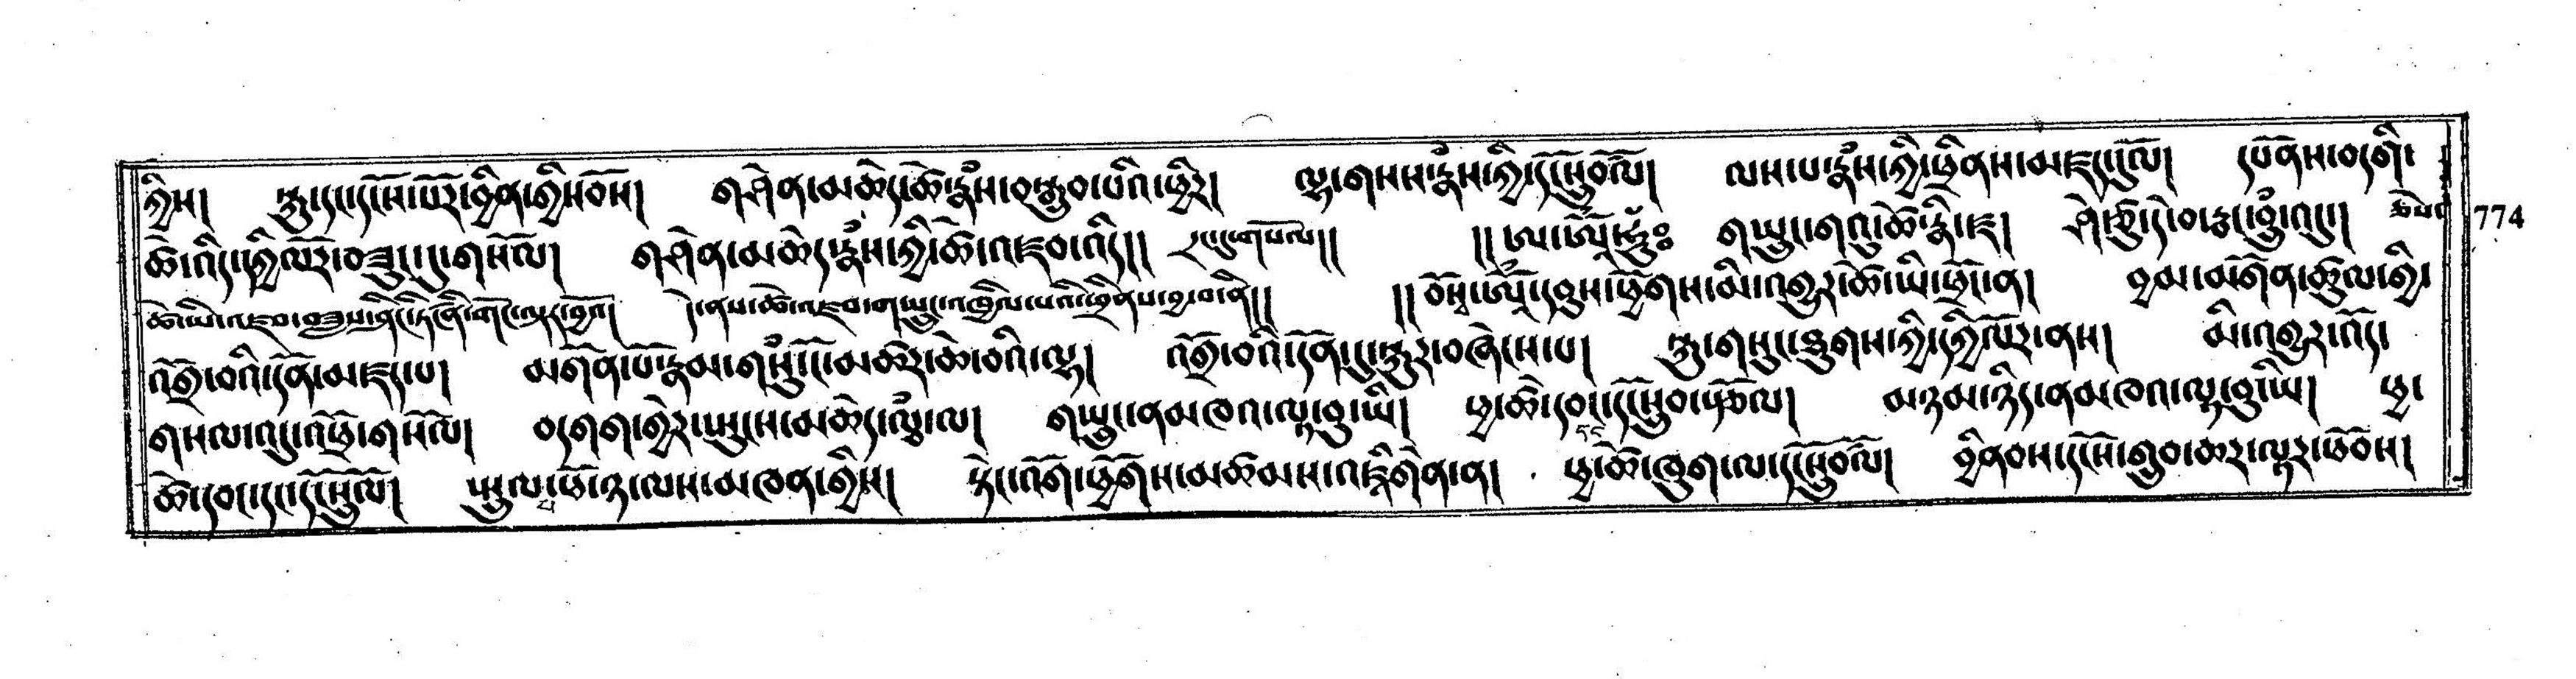ཀྱིས། སྐུ་དང་དངོས་པོར་བྱིན་གྱིས་རློབས། གཤེན་མཆེད་ཚེ་རྣམས་བསྒྲུབ་པའི་ཕྱིར། ལྷ་གསས་རྣམས་ཀྱི་དངོས་གྲུབ་སྩོལ། ལས་པ་རྣམས་ཀྱི་ཕྲིན་ལས་མཛད་དུ་གསོལ། དཔོན་གསས་བདག་གི་
ཚེ་འདི་དཀྱིལ་འཁོར་བཟུང་དུ་གསོལ། གཤེན་མཆེད་རྣམས་ཀྱི་ཚེ་འཛབ་འདི།། དྲང་དུ་གསོལ།། །།ཨ་ཨཱོཾ་ཧཱུཾཿ གཡུང་དྲུང་གའུ་ཚེ་རྣི་ཛ། ཤེ་ཙུ་དེ་བ་རྦང་བྲུཾ་འདུ། ཅེས་
ཚེ་ཡི་འཛབ་བཟླས་ཤིང་ཏིང་འཛིན་གོང་ལྟར་བྱའོ། དེ་ནས་ཚེ་འཛབ་གཡུང་དྲུང་འཁྱིལ་པའི་ཕྲིན་ལས་བྱ་བ་ནི།། །།བསྭོ་ཨཱོཾ་དབུས་ཕྱོགས་མི་འགྱུར་ཚེ་ཡི་ཕོ་བྲང་ན། བྱམས་མགོན་ཚུལ་གྱི་
འགྲོ་བའི་དོན་མཛད་པ། མགོན་པོ་རྣམ་གསུམ་ངོ་མཚར་ཆེ་བའི་ལྷ། འགྲོ་བའི་དོན་དུ་སྐུར་བཞེངས་པ། སྐུ་གསུང་ཐུགས་ཀྱི་དཀྱིལ་འཁོར་ནས། མི་འགྱུར་འོད་
གསལ་འདུ་འཕྲོ་གསོལ། བདག་ཅག་གྱེར་སྤུངས་མཆེད་ལྕམ་ལ། གཡུང་དྲུང་ནམ་མཁའ་ལྟ་བུ་ཡི། ཕྱ་ཚེ་དབང་དང་དངོས་གྲུབ་སྩོལ། མཉམ་ཉིད་ནམ་མཁའ་ལྟ་བུ་ཡི། ཕྱ་
ཚེ་དབང་དང་དངོས་གྲུབ་སྩོལ། སྤྲུལ་པ་ཕོ་ཉ་ལས་མཁན་གྱིས། སྟེང་འོག་ཕྱོགས་མཚམས་འཇིག་རྟེན་ན། ཕྱ་ཚེ་ཁུག་ལ་དངོས་གྲུབ་སྩོལ། བྱིན་རླབས་དངོས་གྲུབ་ཆར་ལྟར་ཕོབས།